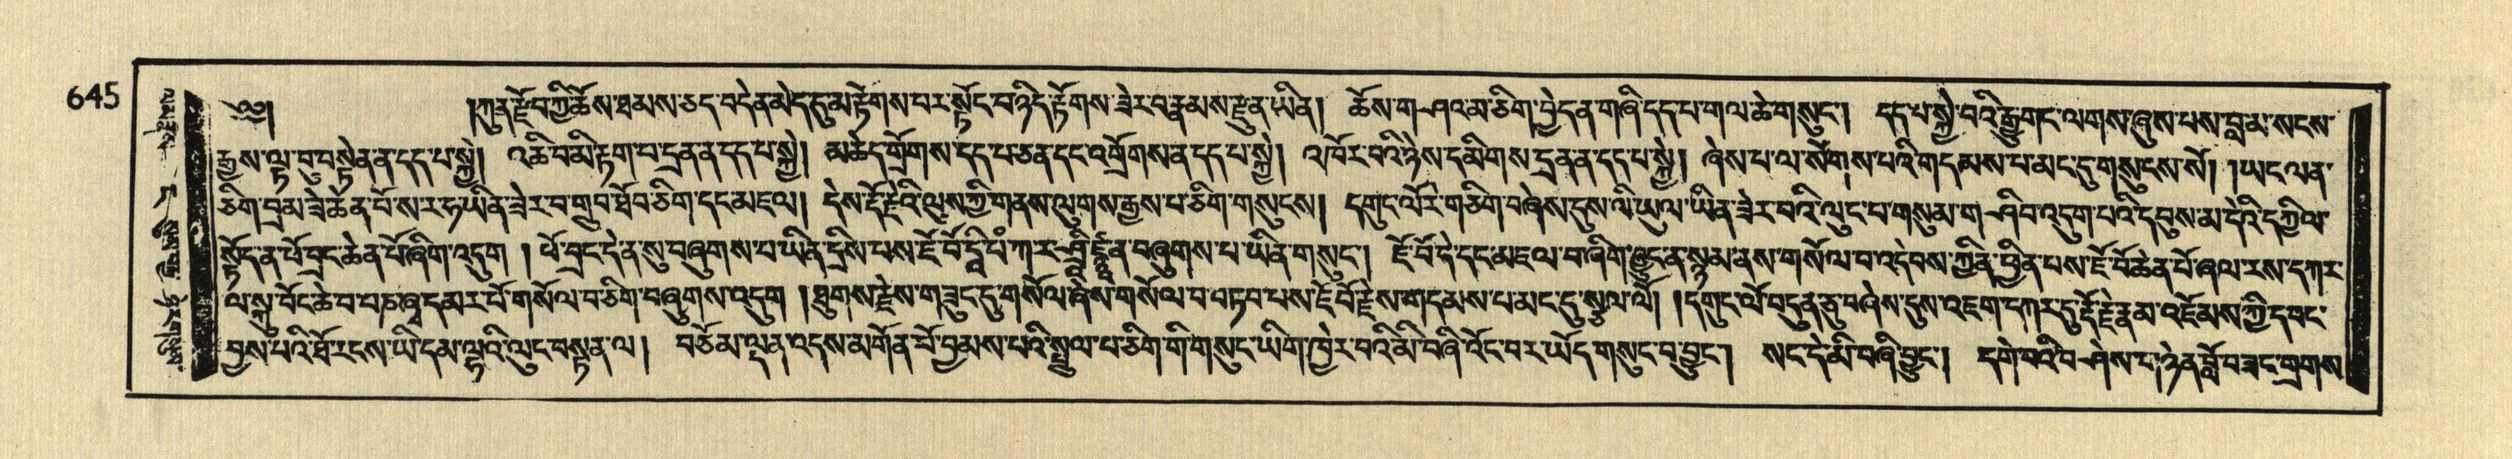༄༅། །ཀུན་རྫོབ་ཀྱི་ཆོས་ཐམས་ཅད་བདེན་མེད་དུ་མ་རྟོགས་པར་སྟོང་བ་ཉིད་རྟོགས་ཟེར་བ་རྣམས་རྫུན་ཡིན། ཆོས་གཤའ་མ་ཅིག་བྱེད་ན་གཞི་དད་པ་གལ་ཆེ་གསུང་། དད་པ་སྐྱེ་བའི་རྒྱུ་གང་ལགས་ཞུས་པས་བླ་མ་སངས་
རྒྱས་ལྟ་བུ་བསྟེན་ན་དད་པ་སྐྱེ། འཆི་བ་མི་རྟག་བ་དྲན་ན་དད་པ་སྐྱེ། མཆེད་གྲོགས་དད་པ་ཅན་དང་འགྲོགས་ན་དད་པ་སྐྱེ། འཁོར་བའི་ཉེས་དམིགས་དྲན་ན་དད་པ་སྐྱེ། ཞེས་པ་ལ་སོགས་པའི་གདམས་པ་མང་དུ་གསུངས་སོ། །ཡང་ལན་
ཅིག་བྲམ་ཟེ་ཆེན་པོ་ས་ར་ཧ་ཡིན་ཟེར་བ་གྲུབ་ཐོབ་ཅིག་དང་མཇལ། དེས་རྡོ་རྗེའི་ལུས་ཀྱི་གནས་ལུགས་རྒྱས་པ་ཅིག་གསུངས། དགུང་ལོ་རེ་གཅིག་བཞེས་དུས་ལི་ཡུལ་ཡིན་ཟེར་བའི་ལུང་པ་གསུམ་གཤིབ་འདུག་པའི་དབུས་མ་དེའི་དཀྱིལ་
སྟོད་ན་ཕོ་བྲང་ཆེན་པོ་ཞིག་འདུག །ཕོ་བྲང་དེ་ན་སུ་བཞུགས་པ་ཡིན་དྲིས་པས་ཇོ་བོ་འདི་པཾ་ཀ་ར་ཤྲཱི་ཛྙཱ་ན་བཞུགས་པ་ཡིན་གསུང་། ཇོ་བོ་དེ་དང་མཇལ་བ་ཞིག་བྱུང་ན་སྙམ་ནས་གསོལ་བ་འདེབས་ཀྱིན་ཕྱིན་པས་ཇོ་བོ་ཆེན་པོ་ཞལ་རས་དཀར་
ལ་སྐུ་བོང་ཆེ་བ་པཎ་ཞྭ་དམར་པོ་གསོལ་བ་ཅིག་བཞུགས་འདུག །ཐུགས་རྗེས་གཟུང་དུ་གསོལ་ཞེས་གསོལ་བ་བཏབ་པས་ཇོ་བོ་རྗེས་གདམས་པ་མང་དུ་སྩལ་ལོ། །དགུང་ལོ་བདུན་ཅུ་བཞེས་དུས་འཇག་དཀར་དུ་རྡོ་རྗེ་རྣམ་འཇོམས་ཀྱི་དབང་
བྱས་པའི་ཐོ་རངས་ཡི་དམ་ལྷའི་ལུང་བསྟན་ལ། བཅོམ་ལྡན་འདས་མགོན་པོ་བྱམས་པའི་སྤྲུལ་པ་ཅིག་གི་གསུང་ཡིག་ཁྱེར་བའི་མི་བཞི་འོང་བར་ཡོད་གསུང་བ་བྱུང་། སང་དེ་མི་བཞི་བྱུང་། དགེ་བའི་བཤེས་གཉེན་བློ་བཟང་གྲགས་